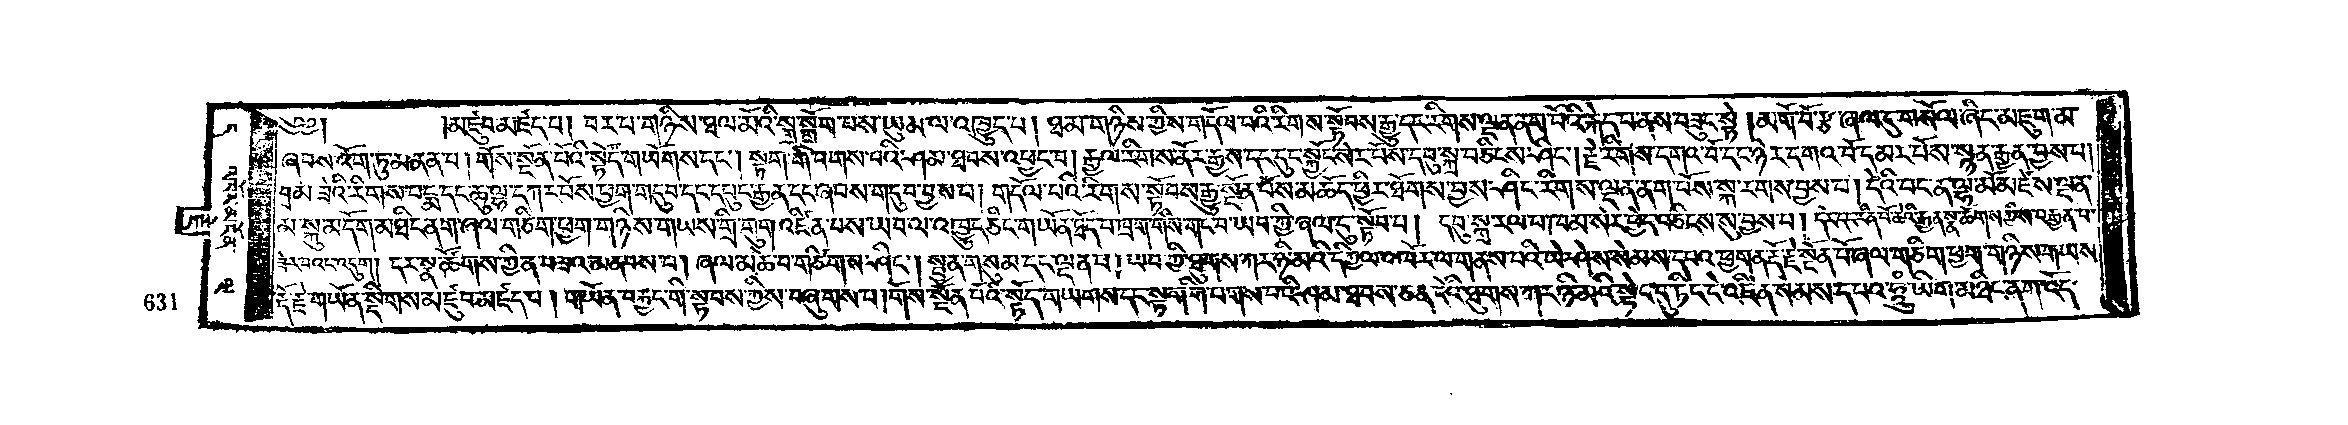༄༅། །མཛུབ་མཛད་པ། བར་པ་གཉིས་ཐལ་མོའི་སྒྲ་སྒྲོག་པས་ཡུམ་ལ་འཁྱུད་པ། ཐ་མ་གཉིས་ཀྱིས་གདོལ་པའི་རིགས་སྟོབས་རྒྱུ་དང་རིགས་ལྡན་ནག་པོའི་རྐེད་པ་ནས་བཟུང་སྟེ། མགོ་བོ་རྩ་ཞལ་དུ་གསོལ་ཞིང་འཇུག་མ་
ཞབས་འོག་ཏུ་མནན་པ། གོས་སྔོན་པོའི་སྟོད་གཡོགས་དང་། སྟག་གི་བགས་པའི་ཤམ་ཐབས་འཕྱང་བ། རྒྱལ་རིགས་ནོར་རྒྱས་དང་དུང་སྐྱོང་སེར་པོས་དབུ་སྐྲ་བཅིངས་ཤིང་། རྗེ་རིགས་དགའ་བོ་དང་ཉེར་དགའ་བོ་དམར་པོས་སྙན་རྒྱན་བྱས་པ།
བྲམ་ཟེའི་རིགས་པདམ་དང་ཆུ་ལྷ་དཀར་པོས་ཕྱག་གདུབ་དང་དཔུང་རྒྱན་དང་ཞབས་གདུབ་བྱས་པ། གདོལ་པའི་རིགས་སྟོབས་རྒྱུ་སྔོན་པོས་མཆོད་ཕྱིར་ཐོགས་བྱས་ཤིང་རིགས་ལྡན་ནག་པོས་སྐ་རགས་བྱས་པ། དེའི་བང་ན་ལྷ་མོ་མཛེས་ལྡན་
མ་སྐུ་མདོག་མཐིང་ནག་ཞལ་གཅིག་ཕྱག་གཉིས་གཡས་གྲི་གུག་འཛིན་པས་ཡབ་ལ་འཁྱུད་ཅིང་གཡོན་ཐོད་པ་ཁྲག་གིས་གང་བ་ཡབ་ཀྱི་ཞལ་དུ་སྟོབ་པ། དབུ་སྐྲ་རལ་བ་ཁམ་སེར་ཕྱེད་བཅིངས་སུ་བྱས་པ། དེར་དང་རིན་པོ་ཆེའི་རྒྱན་སྣ་ཚོགས་ཀྱིས་བརྒྱན་པ་
ཟེར་བའང་འདུག །དར་སྣ་ཚོགས་ཀྱི་ན་བཟའ་མནབས་པ། ཞལ་མཆེ་བ་གཙིགས་ཤིང་། སྤྱན་གསུམ་དང་ལྡན་པ། ཡབ་ཀྱི་ཐུགས་ཀར་ཉི་མའི་དཀྱིལ་འཁོར་ལ་གནས་པའི་ཡེ་ཤེས་སེམས་དཔའ་ཕྱག་ན་རྡོ་རྗེ་སྔོན་པོ་ཞལ་གཅིག་ཕྱག་གཉིས་གཡས་
རྡོ་རྗེ་གཡོན་སྡིགས་མཛུབ་མཛད་པ། གཡོན་བརྐྱང་གི་སྟབས་ཀྱིས་བཞུགས་པ། གོས་སྔོན་པོའི་སྟོད་གཡགས་དང་སྟག་གི་བགས་པའི་ཤམ་ཐབས་ཅན་དེའི་ཐུགས་ཀར་ཉི་མའི་སྟེང་དུ་ཏིང་ངེ་འཛིན་སེམས་དཔའ་ཧཱུཾ་ཡིག་མཐིང་ནག་འོད་